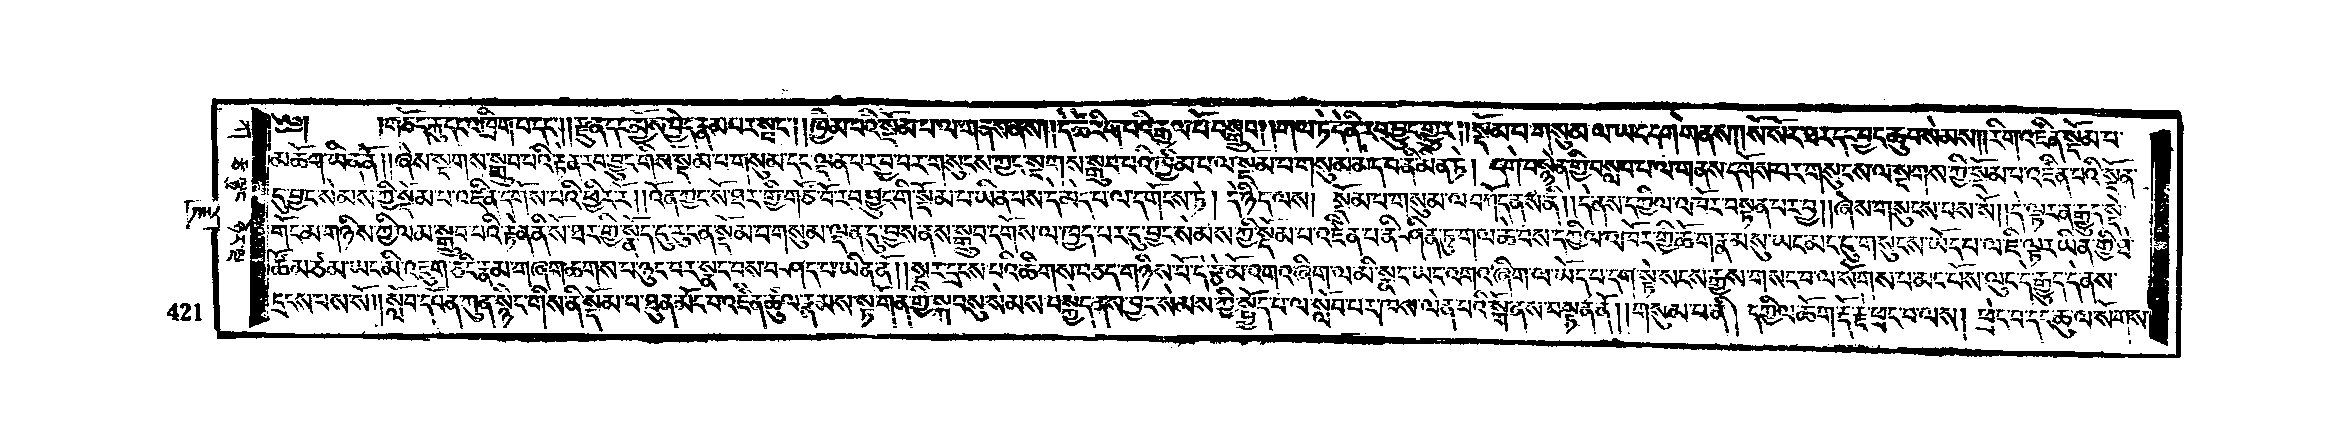༄༅། །གཅོད་རྐུ་དང་འཁྲིག་པ་དང་། །རྫུན་དང་མྱོས་བྱེད་རྣམ་པར་སྤང་། །ཁྱིམ་པའི་སྡོམ་པ་ལ་གནས་ནས། །དེ་ཚེ་རིག་པའི་རྒྱལ་པོ་བསྒྲུབ། །གལ་ཏེ་དེ་ནི་རབ་བྱུང་གྱུར། །སྡོམ་པ་གསུམ་ལ་ཡང་དག་གནས། །སོ་སོར་ཐར་དང་བྱང་ཆུབ་སེམས། །རིག་འཛིན་སྡོམ་པ་
མཆོག་ཡིན་ནོ། །ཞེས་སྔགས་སྒྲུབ་པའི་རྟེན་རབ་བྱུང་གིས་སྡོམ་པ་གསུམ་དང་ལྡན་པར་བྱ་བར་གསུངས་ཀྱང་སྔགས་སྒྲུབ་པའི་ཁྱིམ་པ་ལ་སྡོམ་པ་གསུམ་མེད་པ་ནི་མིན་ཏེ། དགེ་བསྙེན་གྱི་བསླབ་པ་ལ་གནས་དགོས་པར་གསུངས་ལ་སྔགས་ཀྱི་སྡོམ་པ་འཛིན་པའི་སྔོན་
དུ་བྱང་སེམས་ཀྱི་སྡོམ་པ་འཛིན་དགོས་པའི་ཕྱིར་རོ། །འོན་ཀྱང་སོ་ཐར་གྱི་གཙོ་བོ་རབ་བྱུང་གི་སྡོམ་པ་ཡིན་པས་དེ་མེད་པ་ལ་དགོངས་ཏེ། དེ་ཉིད་ལས། སྡོམ་པ་གསུམ་ལ་བཀོད་ནས་ནི། །དེ་ནས་དཀྱིལ་འཁོར་བསྟན་པར་བྱ། །ཞེས་གསུངས་པས་སོ། །དེ་ལྟར་ན་རྒྱུད་སྡེ་
གོང་མ་གཉིས་ཀྱི་ལམ་སྒྲུབ་པའི་རྟེན་ནི་སོ་ཐར་གྱི་སྣོད་དུ་རུང་ན་སྡོམ་པ་གསུམ་ལྡན་དུ་བྱས་ནས་སྒྲུབ་དགོས་ལ་ཁྱད་པར་དུ་བྱང་སེམས་ཀྱི་སྡོམ་པ་འཛིན་པ་ནི་ཤིན་ཏུ་གལ་ཆེ་བས་དཀྱིལ་འཁོར་གྱི་ཆོ་ག་རྣམས་སུ་ཡང་མང་དུ་གསུངས་ཡོད་པ་ལ་ཇི་ལྟར་ཡིན་གྱི་ཐེ་
ཚོམ་ཙམ་ཡང་མི་འཇུག་ཅིང་རྣམ་གཞག་ཆགས་པ་ཉུང་བར་སྣང་བས་བཤད་པ་ཡིན་ནོ། །སྔར་དྲངས་པའི་ཚིགས་བཅད་གཉིས་པོ་དེ་རྩེ་མོ་འགའ་ཞིག་ལ་མི་སྣང་ཡང་འགའ་ཞིག་ལ་ཡོད་པ་དག་སྟེ་སངས་རྒྱས་གསང་བ་ལ་སོགས་པ་མང་པོས་ལུང་དེ་རྒྱུད་དེ་ནས་
དྲངས་པས་སོ། །སློབ་དཔོན་ཀུན་སྙིང་གིས་ནི་སྡོམ་པ་ཐུན་མོང་བ་འཛིན་ཚུལ་རྣམས་སྟ་གོན་གྱི་སྐབས་སུ་སེམས་བསྐྱེད་ནས་བྱང་སེམས་ཀྱི་སྤྱོད་པ་ལ་སློབ་པར་ཁས་ལེན་པའི་སྒོ་ནས་བསྟན་ནོ། །གསུམ་པ་ནི། དཀྱིལ་ཆོག་རྡོ་རྗེ་ཕྲེང་བ་ལས། ཕྲེང་བ་དང་ཆུ་ལ་སོགས་